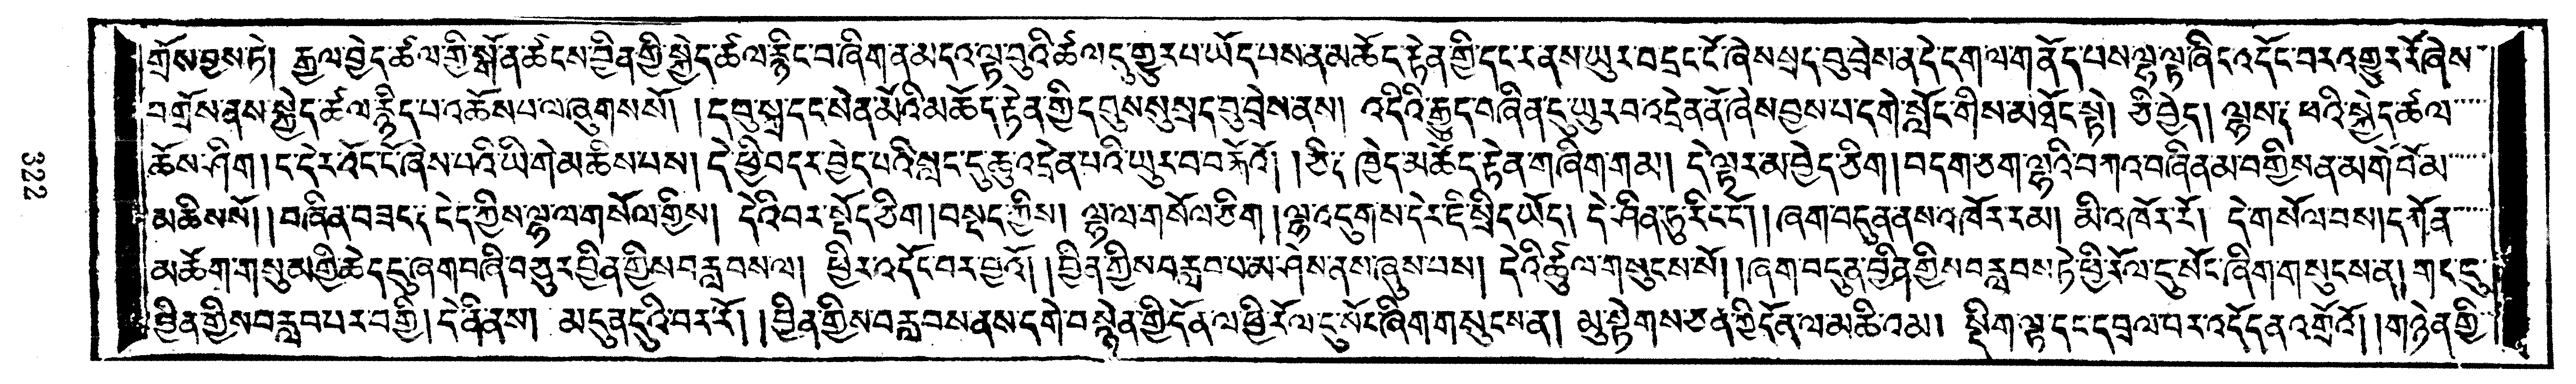གྲོས་བྱས་ཏེ། རྒྱལ་བྱེད་ཚལ་གྱི་སྒོ་ན་ཚངས་བྱིན་གྱི་སྐྱེད་ཚལ་རྙིང་བ་ཞིག་ན་མདའ་ལྟ་བུའི་ཚལ་དུ་གྱུར་པ་ཡོད་པས་ན་མཆོད་རྟེན་གྱི་དངར་ནས་ཡུར་བ་དྲང་ངོ་ཞེས་སྲད་བུ་བྲེས་ན་དེ་དག་ལ་གནོད་པས་ལྷ་ལྟ་ཞིང་འདོང་བར་འགྱུར་རོ་ཞེས་
བགྲོས་ནས་སྐྱེས་ཚལ་རྙིང་པ་འཆོས་པ་ལ་ཞུགས་སོ། །དབུ་སྐྲ་དང་སེན་མོའི་མཆོད་རྟེན་གྱི་དབུས་སུ་སྲད་བུ་བྲེས་ནས། འདིའི་རྒྱུད་བཞིན་དུ་ཡུར་བ་འདྲེན་ནོ་ཞེས་བྱས་པ་དགེ་སློང་གིས་མཐོང་སྟེ། ཅི་བྱེད། ལྷས༑ ཕའི་སྐྱེད་ཚལ་
ཆོས་ཤིག །ང་དེར་འོང་ངོ་ཞེས་པའི་ཡི་གེ་མཆིས་པས། དེ་ཕྱི་བདར་བྱེད་པའི་སླད་དུ་ཆུ་འདྲན་པའི་ཡུར་བ་བརྐོའོ། །ཅི༑ ཁྱེད་མཆོད་རྟེན་གཞིག་གམ། དེ་ལྟར་མ་བྱེད་ཅིག། བདག་ཅག་ལྷའི་བཀའ་བཞིན་མ་བགྱིས་ན་མགོ་བོ་མ་
མཆིས་སོ། །བཞིན་བཟང༑ ངེད་ཀྱིས་ལྷ་ལ་གསོལ་གྱིས། དེའི་བར་སྡོད་ཅིག། བསྡད་ཀྱིས། ལྷ་ལ་གསོལ་ཅིག །ལྷ་འདུགས་དེར་ཇི་སྲིད་ཡོད། དེ་ཤིན་ཏུ་རིང་ངོ། །ཞག་བདུན་ནས་འཁོར་རམ། མི་འཁོར་རོ། དེ་གསོལ་བས། དཀོན་
མཆོག་གསུམ་གྱི་ཆེད་དུ་ཞག་བཞི་བཅུར་བྱིན་གྱིས་བརླབས་ལ། ཕྱིར་འདོང་བར་བྱའོ། །བྱིན་གྱིས་བརླབ་པ་མ་ཤེས་ནས་ཞུས་པས། དེའི་ཚུལ་གསུངས་སོ། །ཞག་བདུན་བྱིན་གྱིས་བརླབས་ཏེ་ཕྱི་རོལ་དུ་སོང་ཞིག་གསུངས་ན། གང་དུ་
བྱིན་གྱིས་བརླབ་པར་བགྱི། དེ་ནི་ནས། མདུན་དུའི་བར་རོ། །བྱིན་གྱིས་བརླབས་ནས་དགེ་བསྙེན་གྱི་དོན་ལ་ཕྱི་རོལ་དུ་སོང་ཞིག་གསུངས་ན། མུ་སྟེགས་ཅན་གྱི་དོན་ལ་མཆི་འམ། སྡིག་ལྟ་དང་དབྲལ་བར་འདོད་ན་འགྲོའོ། །གཉེན་གྱི་